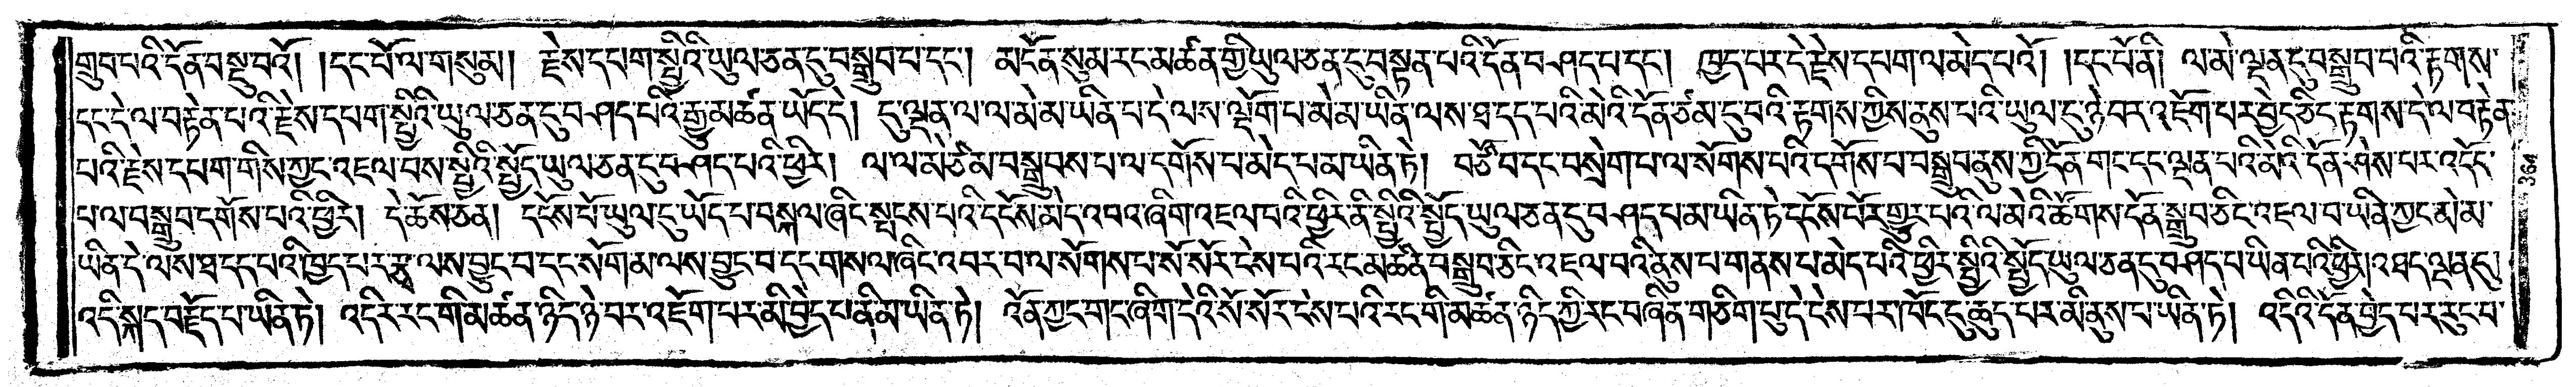གྲུབ་པའི་དོན་བསྡུ་བའོ། །དང་པོ་ལ་གསུམ། རྗེས་དཔག་སྤྱིའི་ཡུལ་ཅན་དུ་བསྒྲུབ་པ་དང་། མངོན་སུམ་རང་མཚན་གྱི་ཡུལ་ཅན་དུ་བསྟན་པའི་དོན་བཤད་པ་དང་། ཁྱད་པར་དེ་རྗེས་དཔག་ལ་མེད་པའོ། །དང་པོ་ནི། ལ་མེ་ལྡན་དུ་བསྒྲུབ་པའི་རྟགས་
དང་དེ་ལ་བརྟེན་པའི་རྗེས་དཔག་སྤྱིའི་ཡུལ་ཅན་དུ་བཤད་པའི་རྒྱུ་མཚན་ཡོད་དེ། དུ་ལྡན་ལ་ལ་མེ་མ་ཡིན་པ་དེ་ལས་ལྡོག་པ་མེ་མ་ཡིན་ལས་ཐ་དད་པའི་མེའི་དོན་ཙམ་དུ་བའི་རྟགས་ཀྱིས་ནུས་པའི་ཡུལ་དུ་ཉེ་བར་འཇོག་པར་བྱེད་ཅིང་རྟགས་དེ་ལ་བརྟེན་
པའི་རྗེས་དཔག་གིས་ཀྱང་འཇལ་བས་སྤྱིའི་སྤྱོད་ཡུལ་ཅན་དུ་བཤད་པའི་ཕྱིར། ལ་ལ་མེ་ཙམ་བསྒྲུབས་པ་ལ་དགོས་པ་མེད་པ་མ་ཡིན་ཏེ། བཙོ་བ་དང་བསྲེག་པ་ལ་སོགས་པའི་དགོས་པ་བསྒྲུབ་ནུས་ཀྱི་དོན་གང་དང་ལྡན་པའི་མེའི་དོན་ཤེས་པར་འདོད་
པ་ལ་བསྒྲུབ་དགོས་པའི་ཕྱིར། དེ་ཆོས་ཅན། དངོས་པོ་ཡུལ་དུ་ཡོད་པ་བསྐལ་ཞིང་སྤངས་པའི་དངོས་མེད་འབའ་ཞིག་འཇལ་བའི་ཕྱིར་ནི་སྤྱིའི་སྤྱོད་ཡུལ་ཅན་དུ་བཤད་པ་མ་ཡིན་ཏེ་དངོས་པོར་གྱུར་པའི་ལ་མེའི་ཚོགས་དོན་སྒྲུབ་ཅིང་འཇལ་བ་ཡིན་ཀྱང་མེ་མ་
ཡིན་དེ་ལས་ཐ་དད་པའི་ཁྱད་པར་རྩྭ་ལས་བྱུང་བ་དང་སོགས་མ་ལས་བྱུང་བ་དང་གསལ་ཞིང་འབར་བ་ལ་སོགས་པ་སོ་སོར་ངེས་པའི་རང་མཚན་བསྒྲུབ་ཅིང་འཇལ་བའི་ནུས་པ་གནས་པ་མེད་པའི་ཕྱིར་སྤྱིའི་སྤྱོད་ཡུལ་ཅན་དུ་བཤད་པ་ཡིན་པའི་ཕྱིར། འཐད་ལྡན་དུ།
འདི་སྐད་བརྗོད་པ་ཡིན་ཏེ། འདིར་རང་གི་མཚན་ཉིད་ཉེ་བར་འཇོག་པར་མི་བྱེད་པ་ནི་མ་ཡིན་ཏེ། འོན་ཀྱང་གང་ཞིག་དེའི་སོ་སོར་ངེས་པའི་རང་གི་མཚན་ཉིད་ཀྱི་རང་བཞིན་གཅིག་པུ་དེ་ངེས་པར་ཁོང་དུ་ཆུད་པར་མི་ནུས་པ་ཡིན་ཏེ། འདིའི་དོན་བྱེད་པར་རུང་བ་